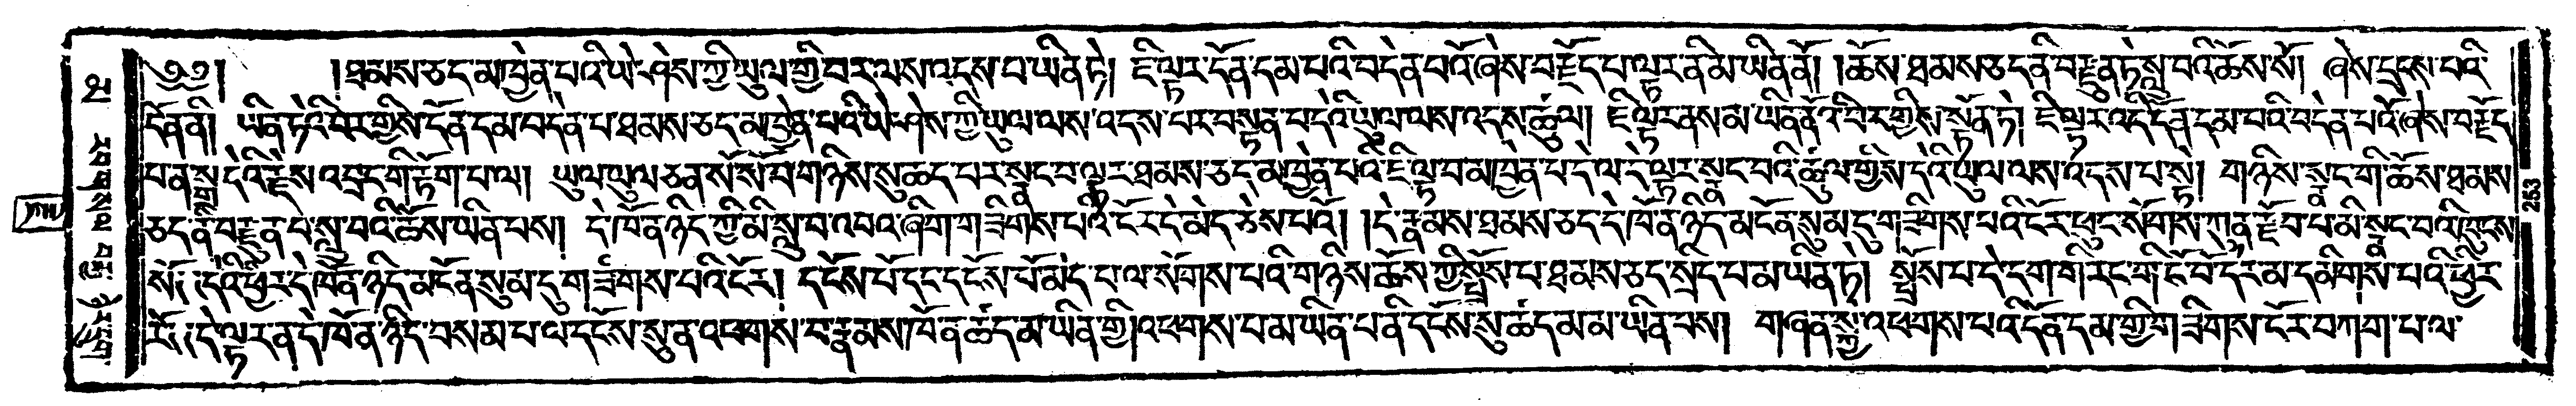༄༅། །ཐམས་ཅད་མཁྱེན་པའི་ཡེ་ཤེས་ཀྱི་ཡུལ་གྱི་བར་ལས་འདས་པ་ཡིན་ཏེ། ཇི་ལྟར་དོན་དམ་པའི་བདེན་པའོ་ཞེས་བརྗོད་པ་ལྟར་ནི་མ་ཡིན་ནོ། །ཆོས་ཐམས་ཅད་ནི་བརྫུན་ཏེ་སླུ་བའི་ཆོས་སོ། ཞེས་དྲངས་པའི་
དོན་ནི། ཡིན་ཏེའི་བར་གྱིས་དོན་དམ་བདེན་པ་ཐམས་ཅད་མཁྱེན་པའི་ཡེ་ཤེས་ཀྱི་ཡུལ་ལས་འདས་པར་བསྟན་པ་དེའི་ཡུལ་ལས་འདས་ཚུལ། ཇི་ལྟར་ནས་མ་ཡིན་ནོའི་བར་གྱིས་སྟོན་ཏེ། ཇི་ལྟར་འདི་དོན་དམ་པའི་བདེན་པའོ་ཞེས་བརྗོད་
པ་ན་སྒྲ་དེའི་རྗེས་འབྲང་གི་རྟོག་པ་ལ། ཡུལ་ཡུལ་ཅན་སོ་སོ་བ་གཉིས་སུ་ཆད་པར་སྣང་བ་ལྟར་ཐམས་ཅད་མཁྱེན་པའི་ཇི་ལྟ་བ་མཁྱེན་པ་དེ་ལ་དེ་ལྟར་སྣང་བའི་ཚུལ་གྱིས་དེའི་ཡུལ་ལས་འདས་པ་སྟེ། གཉིས་སྣང་གི་ཆོས་ཐམས་
ཅད་ནི་བརྫུན་པ་སླུ་བའི་ཆོས་ཡིན་པས། དེ་ཁོ་ན་ཉིད་ཀྱི་མི་སླུ་བ་འབའ་ཞིག་གཟིགས་པའི་ངོར་དེ་མེད་ཅེས་པའོ། །དེ་རྣམས་ཐམས་ཅད་དེ་ཁོ་ན་ཉིད་མངོན་སུམ་དུ་གཟིགས་པའི་ངོར་ཕུང་སོགས་ཀུན་རྫོབ་པ་མི་སྣང་བའི་ཁུངས་
སོ༑ ༑དེའི་ཕྱིར་དེ་ཁོ་ན་ཉིད་མངོན་སུམ་དུ་གཟིགས་པའི་ངོར། དངོས་པོ་དང་དངོས་པོ་མེད་པ་ལ་སོགས་པའི་གཉིས་ཆོས་ཀྱི་སྤྲོས་པ་ཐམས་ཅད་སྲིད་པ་མ་ཡིན་ཏེ། སྤྲོས་པ་དེ་དག་གི་རང་གི་ངོ་བོ་དེར་མ་དམིགས་པའི་ཕྱིར་
རོ༑ ༑དེ་ལྟར་ན་དེ་ཁོ་ན་ཉིད་བསམ་པ་ལ་དངོས་སུ་ན་འཕགས་པ་རྣམས་ཁོ་ན་ཚད་མ་ཡིན་གྱི། འཕགས་པ་མ་ཡིན་པ་ནི་དངོས་སུ་ཚད་མ་མ་ཡིན་པས། གཞན་སྐྱེ་འཕགས་པའི་དོན་དམ་གྱི་གཟིགས་ངོར་བཀག་པ་ལ་